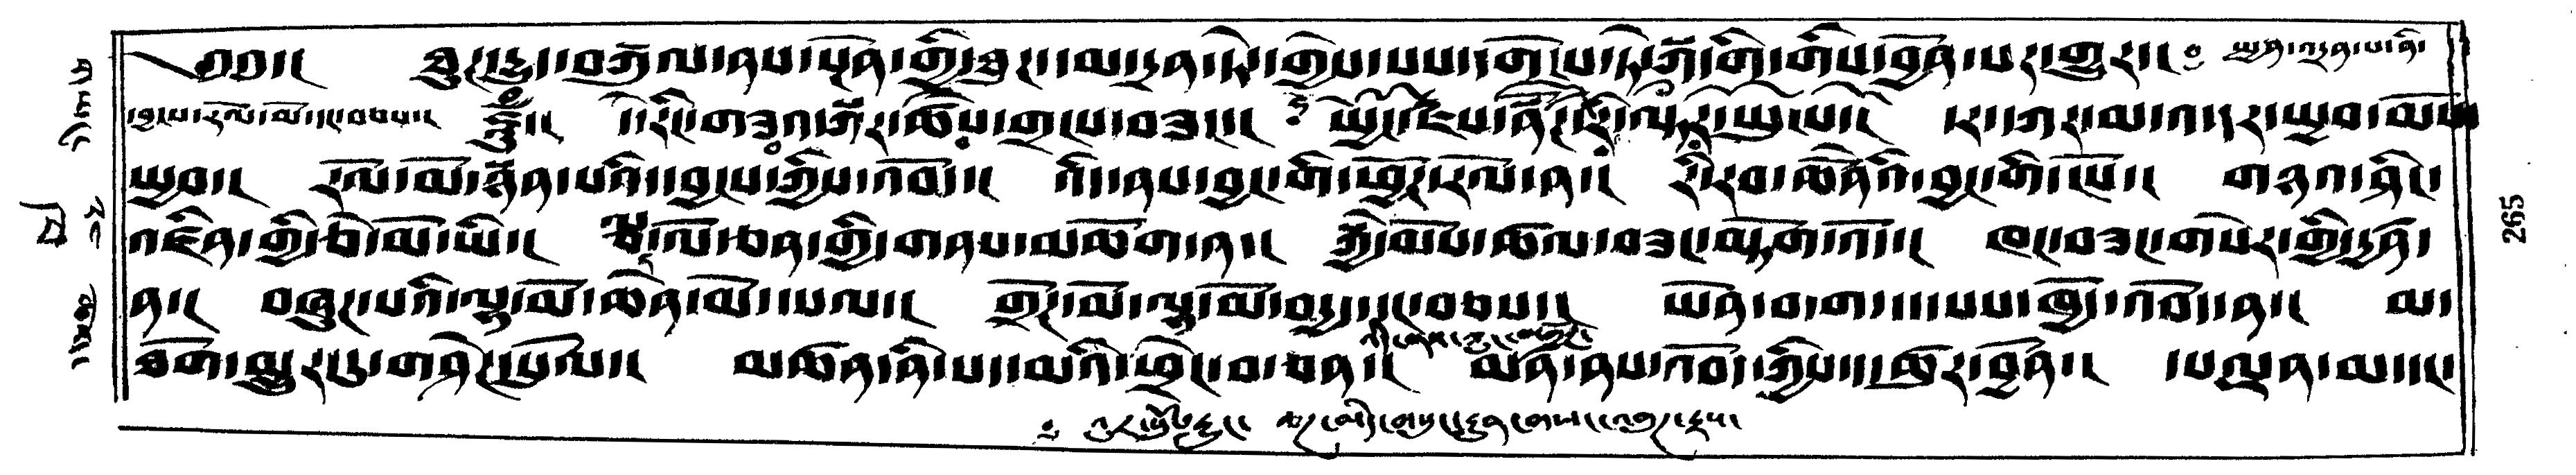ཐུགས་རྒྱུད་བསྐུལ་ནས་སྔོན་གྱི་ཐུགས་དམ་དྲན་ཏེ་དགྱེས་པས་དགོངས་ཏེ་སྐད་ཅིག་གིས་བྱོན་པར་གྱུར། 
ཧཱུྃ། དེ་རིང་གཟའ་སྐར་ཚེས་གྲངས་བཟང་། །གཡང་རྫས་སྣ་ཚོགས་རི་ལྟར་སྤུངས། །དར་དཀར་མདའ་དར་གཡབ་མོས་
གཡབ། །རོལ་མོ་སྙན་པའི་དབྱངས་ཀྱིས་འབོད། །འདི་ནས་བྱང་གི་ཕྱོགས་རོལ་ན། །རི་རབ་ཆེན་མོའི་བྱང་གི་ངོས། །གཉའ་ཤིང་
འཛིན་གྱི་རྩེ་མོ་ཡི། །ལྕང་ལོ་ཅན་གྱི་གནས་མཆོག་ན། །སྐྱེད་མོས་ཚལ་བཟང་མེ་ཏོག་འོད། །ཁང་བཟང་གསེར་གྱི་རྒྱལ་
མཚན། །བཞུགས་པའི་ལྷ་མོ་ཆེན་མོ་དཔལ། །གྲོགས་མོ་ལྷ་མོ་བརྒྱད་དང་བཅས། །ཡོན་བདག་དད་པས་ཁྱོད་འབོད་ན། །མ་
ཐོག་མྱུར་དུ་གཤེགས་སུ་གསོལ། །མཚན་ནི་པད་མའི་ཕྲེང་བ་ཅན། །མཚན་ནས་འབོད་ཀྱིས་ད་ཚུར་བྱོན། །དཔལ་ལྡན་མ་དང་